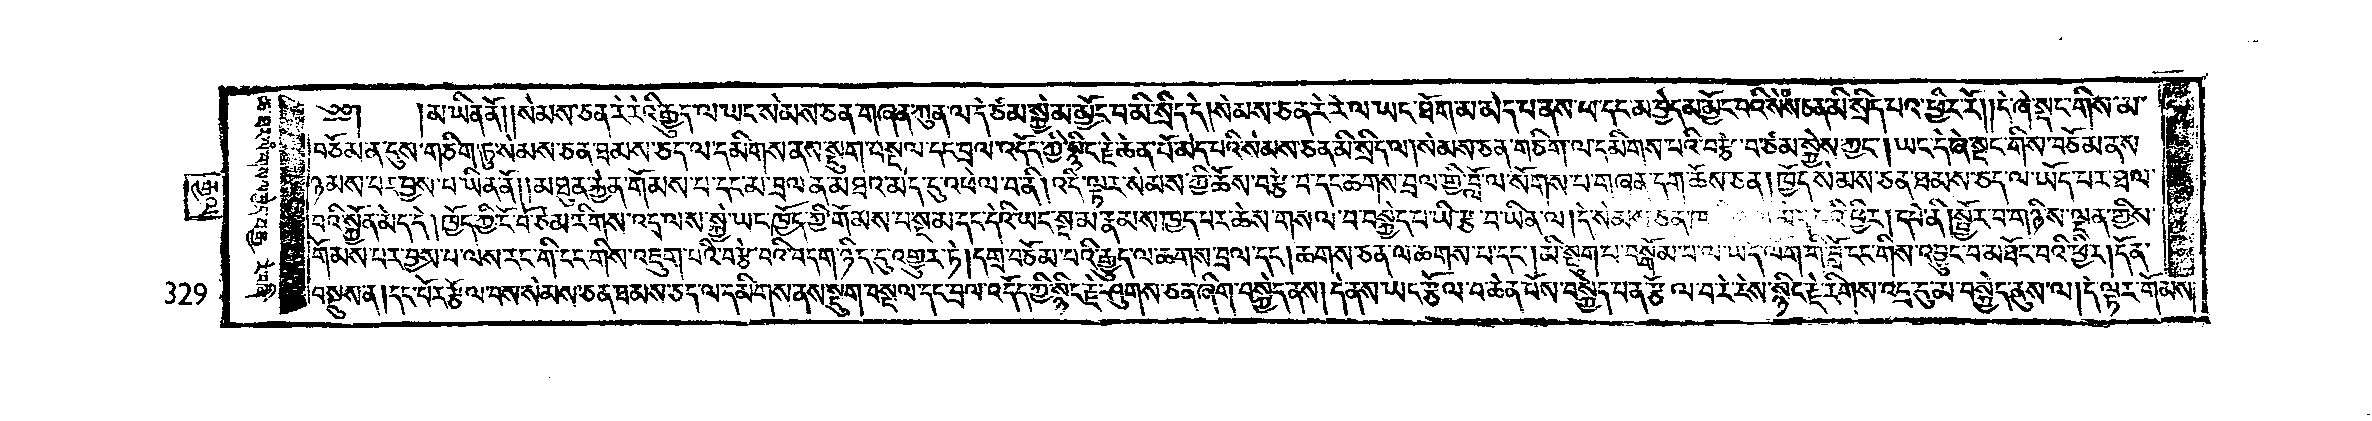༄༅། །མ་ཡིན་ནོ། །སེམས་ཅན་རེ་རེའི་རྒྱུད་ལ་ཡང་སེམས་ཅན་གཞན་ཀུན་ལ་དེ་ཙམ་སྐྱེ་མ་མྱོང་བ་མི་སྲིད་དེ། སེམས་ཅན་རེ་རེ་ལ་ཡང་ཐོག་མ་མེད་པ་ནས་ཕ་དང་མ་བྱེད་མ་མྱོང་བའི་སེམས་ཅན་མི་སྲིད་པའི་ཕྱིར་རོ། །དེ་ཞེ་སྡང་གིས་མ་
བཅོམ་ན་དུས་གཅིག་ཏུ་སེམས་ཅན་ཐམས་ཅད་ལ་དམིགས་ནས་སྡུག་བསྔལ་དང་བྲལ་འདོད་ཀྱི་སྙིང་རྗེ་ཆེན་པོ་མེད་པའི་སེམས་ཅན་མི་སྲིད་ལ། སེམས་ཅན་གཅིག་ལ་དམིགས་པའི་བརྩེ་བ་ཙམ་སྐྱེས་ཀྱང་། ཡང་དེ་ཞེ་སྡང་གིས་བཅོམ་ནས་
ཉམས་པར་བྱས་པ་ཡིན་ནོ། །མཐུན་རྐྱེན་གོམས་པ་དང་མ་བྲལ་ན་མཐའ་མེད་དུ་འཕེལ་བ་ནི། འདི་ལྟར་སེམས་ཀྱི་ཆོས་བརྩེ་བ་དང་ཆགས་བྲལ་གྱི་བློ་ལ་སོགས་པ་གཞན་དག་ཆོས་ཅན། ཁྱོད་སེམས་ཅན་ཐམས་ཅད་ལ་ཡོད་པར་ཐལ་
བའི་སྐྱོན་མེད་དེ། ཁྱོད་ཀྱི་ངོ་བོ་ཙམ་རིགས་འདྲ་ལས་སྐྱེ་ཡང་ཁྱོད་ཀྱི་གོམས་པ་སྔ་མ་དང་དེའི་ཡང་སྔ་མ་རྣམས་ཁྱད་པར་ཆོས་གསལ་བ་བསྐྱེད་པ་ཡི་རྩ་བ་ཡིན་ལ། དེ་སེམས་ཅན་ཁ་ཅིག་ལ་མེད་པའི་ཕྱིར། དཔེ་ནི། སྦྱོར་བ་གཉིས་ལྡན་གྱིས་
གོམས་པར་བྱས་པ་ལས་རང་གི་ངང་གིས་འཇུག་པའི་བརྩེ་བའི་བདག་ཉིད་དུ་འགྱུར་ཏེ། དགྲ་བཅོམ་པའི་རྒྱུད་ལ་ཆགས་བྲལ་དང་། ཆགས་ཅན་ལ་ཆགས་པ་དང་། མི་སྤུག་པ་བསྒོམ་པ་ལ་ཡིད་ལོག་གི་བློ་ངང་གིས་འབྱུང་བ་མཐོང་བའི་ཕྱིར། དོན་
བསྡུས་ན། དང་པོར་རྩོལ་བས་སེམས་ཅན་ཐམས་ཅད་ལ་དམིགས་ནས་སྡུག་བསྔལ་དང་བྲལ་འདོད་ཀྱི་སྙིང་རྗེ་ཤུགས་ཅན་ཞིག་བསྐྱེད་ནས། དེ་ནས་ཡང་རྩོལ་བ་ཆེན་པོས་བསྐྱེད་པ་ན་རྩོལ་བ་རེ་རེས་སྙིང་རྗེ་རིགས་འདྲ་དུ་མ་བསྐྱེད་ནུས་ལ། དེ་ལྟར་གོམས་